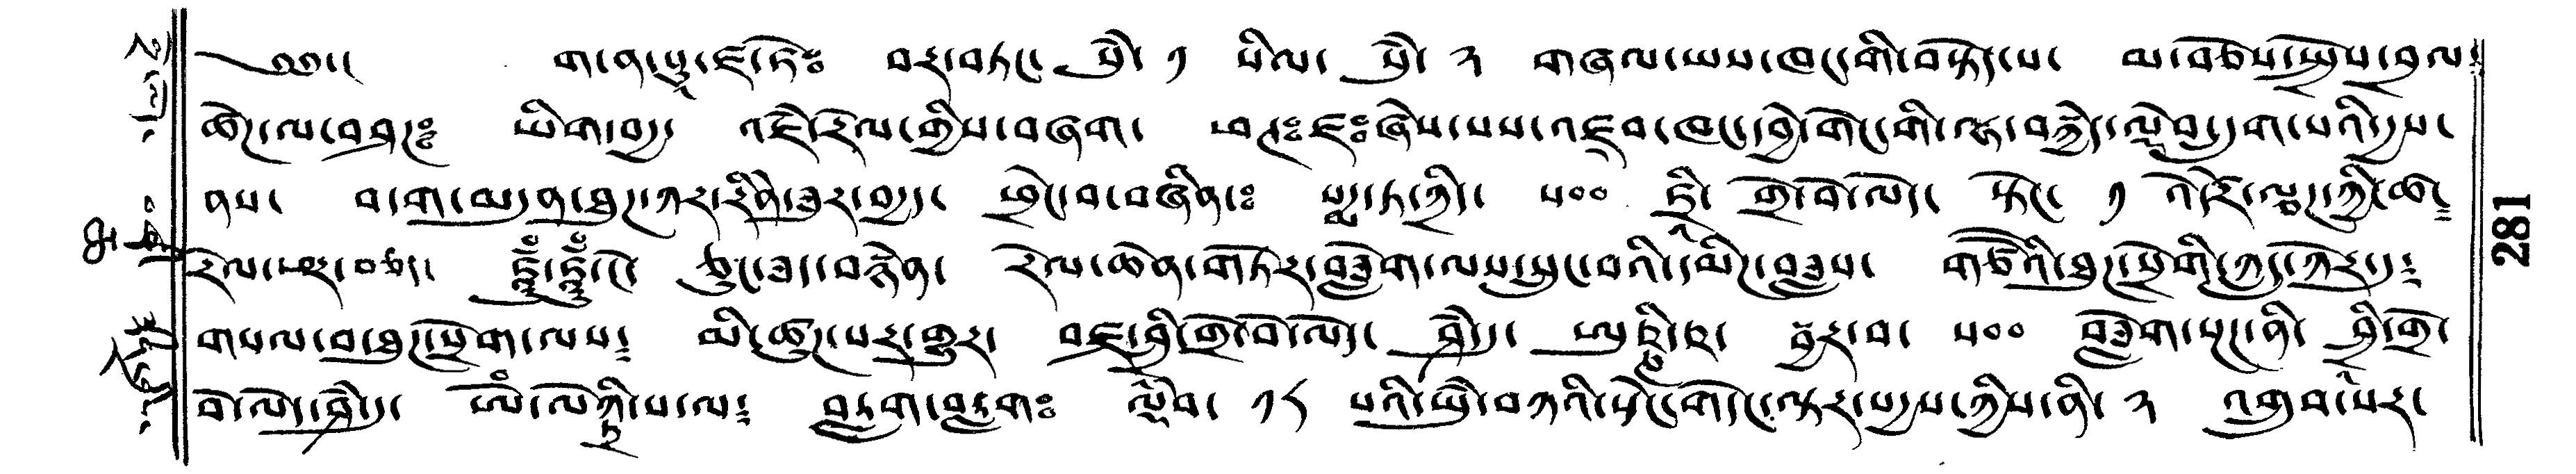ག་ན་པཱུ་ཛ་ཧོཿ བར་བཏང་། སུམ་གཅིག སིལ། སུམ་གཉིས། གཞལ་ཡས་ཁང་གི་བསྟོད་པ། མ་བཅོས་སྤྲོས་བྲལ༴ 
ཚོགས་ལ་བཤགས༔ ཡིག་བརྒྱ། འཇམ་རོལ་གྱིས་བཞག ཕཊཿཛཿ ཞེས་པས་འཛབ་ཁང་དབྱེ། གོང་གི་ལྷ་བསྐྱེད་ལྡེབ་དྲུག་པའི་རྒྱབ་
ནས། བདག་མདུན་ཐུགས་ཀར་རིན་ཆེན་ཟུར་བརྒྱད༴ ཕྲེང་བ་བཞིན༔ པདྨ་ཏ་ཀྲིཏ༴ ལྔ་བརྒྱ། ཧྲཱིཿ གྲོ་བོ་ལོད༴ སྟོང་གཅིག འོད་ཟེར་ལྕགས་ཀྱི་ཚ༴ 
རོལ༴ ཕར་བཅད། ཧཱུྃ་ཧཱུྃ་ཧཱུྃ༔ ཅུང་ཟད་བསྙེན། རོལ་ཆེན་གཏོར་བཟློག་ལས་སྲུང་བའི་དམིགས་བཟླས། གཙོ་བོའི་ཐུགས་སྲོག་གི་ཀླད་ཀོར་དུ༴ 
གསལ་བ་ཐུགས་སྲོག་ལས༴ མི་ཚུགས་པར་གྱུར༔ བཛྲ་ཤྲཱི་གྲོ་བོ་ལོད༴ ཤམ་དུ། ཨུཥྞི་ར༴ སྦྱར་བ་ལྔ་བརྒྱ།བཟློག་སྔགས་ནི། ཤྲཱི་གྲོ་
བོ་ལོད༴ ཤམ་དུ། ཨོཾ་ལོཀྟྲི་པ་ལ༴ བརླག་བརླག༔ ལྡེབ་བཅོ་བརྒྱད་པའི་ཡུམ་བཀའི་སེང་གདོང་ལྟར། སངས་རྒྱས་ཀྱིས་ནི༴ ལྡེབ་གཉིས་པའི། འགྲུབ་པར་